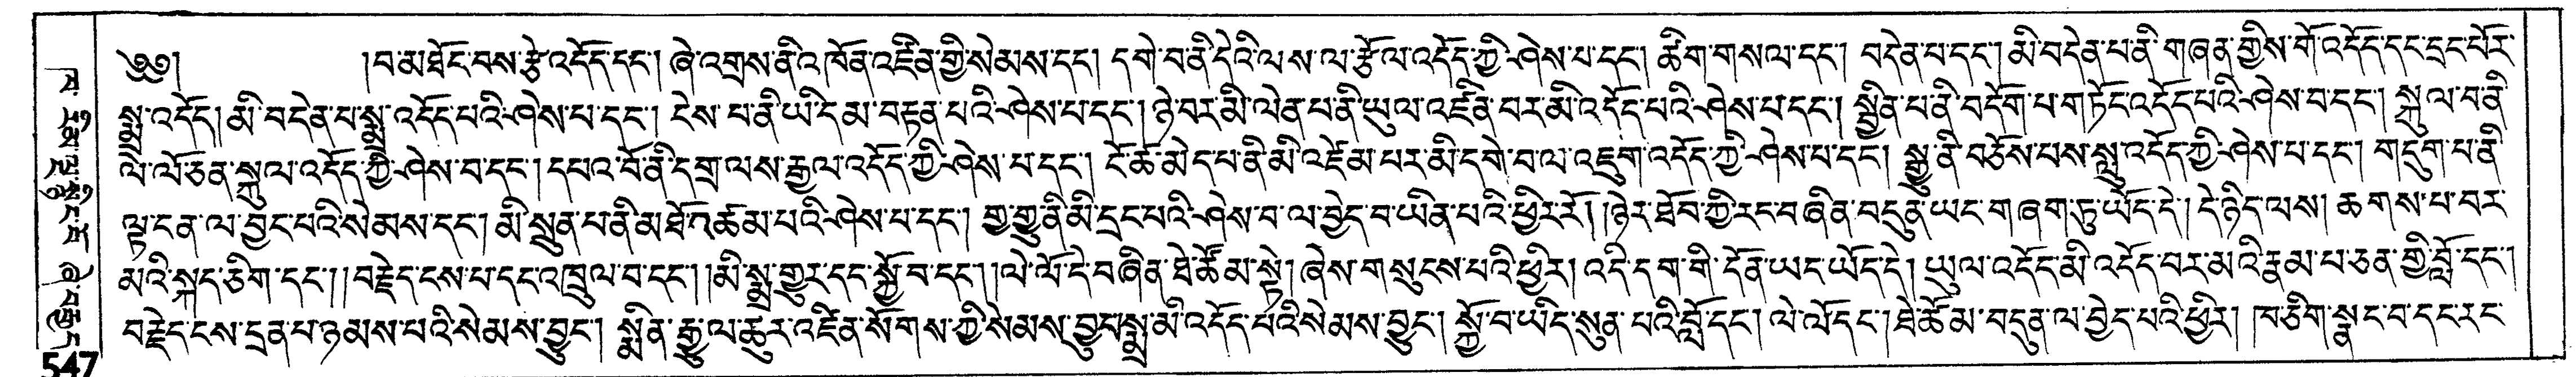༄༅། །བ་མཐོང་བས་རྩེ་འདོད་དང་། ཞེ་འགྲས་ནི་འཁོན་འཛིན་གྱི་སེམས་དང་། དགེ་བ་ནི་དེའི་ལས་ལ་རྩོལ་འདོད་ཀྱི་ཤེས་པ་དང་། ཚིག་གསལ་དང་། བདེན་པ་དང་། མི་བདེན་པ་ནི་གཞན་གྱིས་གོ་འདོད་དང་དྲང་པོར་
སྨྲ་འདོད། མི་བདེན་པ་སྨྲ་འདོད་པའི་ཤེས་པ་དང་། ངེས་པ་ནི་ཡི་དམ་བརྟན་པའི་ཤེས་པ་དང་། ཉེ་བར་མི་ལེན་པ་ནི་ཡུལ་འཛིན་པར་མི་འདོད་པའི་ཤེས་པ་དང་། སྦྱིན་པ་ནི་བདོག་པ་གཏོང་འདོད་པའི་ཤེས་བ་དང་། སྐུལ་བ་ནི་
ལེ་ལོ་ཅན་སྐུལ་འདོད་ཀྱི་ཤེས་བ་དང་། དཔའ་བོ་ནི་དགྲ་ལས་རྒྱལ་འདོད་ཀྱི་ཤེས་པ་དང་། ངོ་ཚ་མེད་པ་ནི་མི་འཛེམ་པར་མི་དགེ་བ་ལ་འཇུག་འདོད་ཀྱི་ཤེས་པ་དང་། སྒྱུ་ནི་བཅོས་པས་སླུ་འདོད་ཀྱི་ཤེས་པ་དང་། གདུག་པ་ནི་
ལྟ་ངན་ལ་བྱང་པའི་སེམས་དང་། མི་སྲུན་པ་ནི་མཐོ་འཚམ་པའི་ཤེས་པ་དང་། གྱ་གྱུ་ནི་མི་དྲང་པའི་ཤེས་བ་ལ་བྱེད་བ་ཡིན་པའི་ཕྱིར་རོ། །ཉེར་ཐོབ་ཀྱི་རང་བཞིན་བདུན་ཡང་གཞག་ཏུ་ཡོད་དེ། དེ་ཉིད་ལས། ཆགས་པ་བར་
མའི་སྐད་ཅིག་དང་། །བརྗེད་ངས་པ་དང་འཁྲུལ་བ་དང་། །མི་སྨྲ་གྱུར་དང་སྐྱོ་བ་དང་། །ལེ་ལོ་དེ་བཞིན་ཐེ་ཚོམ་སྟེ། ཞེས་གསུངས་པའི་ཕྱིར། འདི་དག་གི་དོན་ཡང་ཡོད་དེ། ཡུལ་འདོད་མི་འདོད་པར་མའི་རྣམ་པ་ཅན་གྱི་བློ་དང་།
བརྗེད་ངས་དྲན་པ་ཉམས་པའི་སེམས་བྱུང་། སྨིན་རྒྱུ་ལ་ཆུར་འཛིན་སོགས་ཀྱི་སེམས་བྱུང་། སྨྲ་མི་འདོད་པའི་སེམས་བྱུང་། སྐྱོ་བ་ཡིད་སུན་པའི་བློ་དང་། ལེ་ལོ་དང་། ཐེ་ཚོམ་བདུན་ལ་བྱེད་པའི་ཕྱིར། ཁ་ཅིག་སྣང་བ་དང་རང་